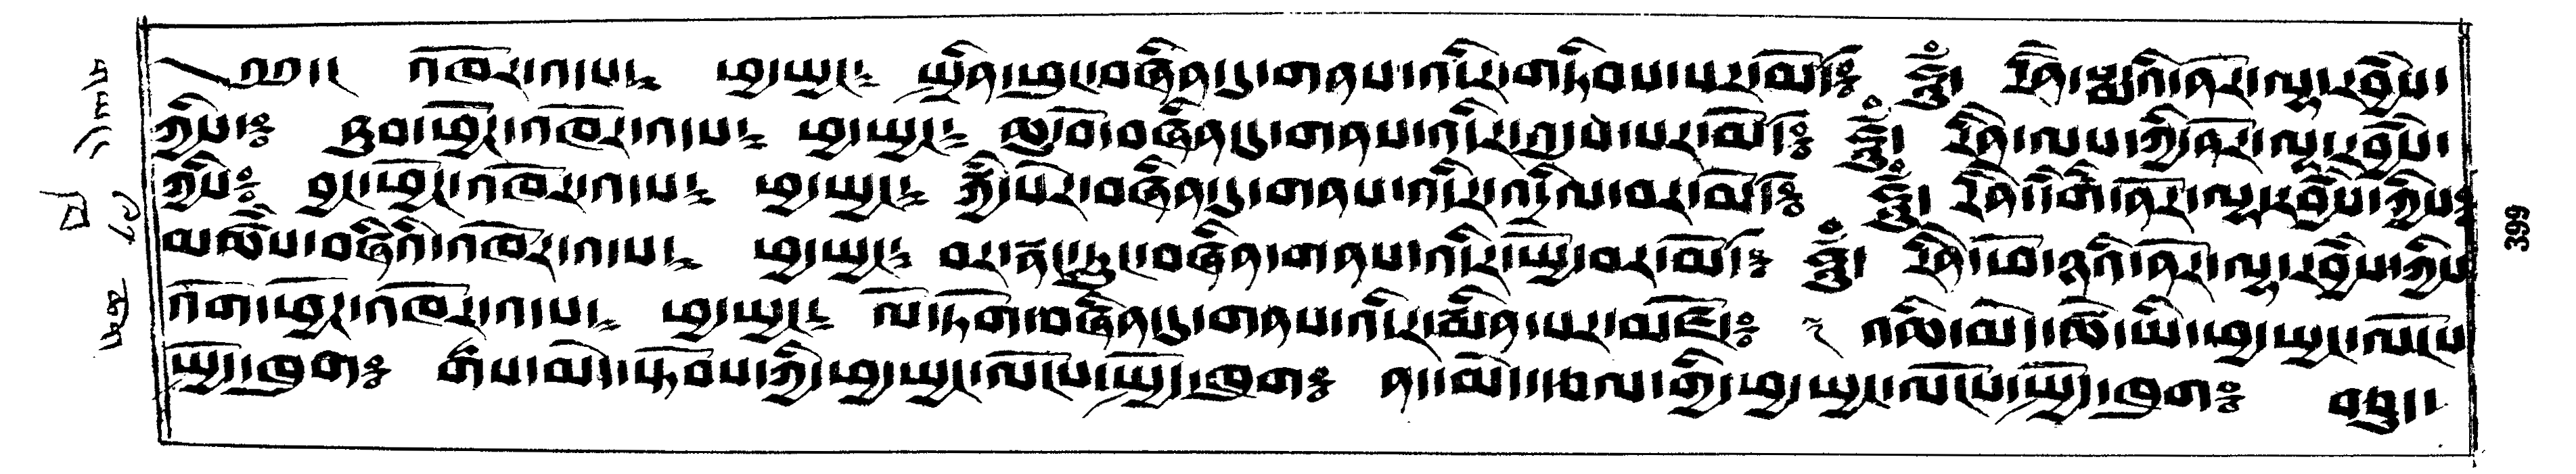འཁོར་འདས༴ ཕྱྭ་གཡང༴ སྤྲིན་ཕུང་བཞིན་དུ་གནས་འདིར་གཏིབ་པར་མཛོད༔ ཧཱུྃ༔ རིན་ཆེན་པདྨའི་ནོར་ལྷ་རབ་འབྱམས་
ཀྱིས༔ ནུབ་ཕྱོགས་འཁོར་འདས་༴ ཕྱྭ་གཡང༴ ཆུ་བོ་བཞིན་དུ་གནས་འདིར་འདུས་པར་མཛོད༔ ཧཱུྃ༔ རིན་ཆེན་ལས་ཀྱི་ནོར་ལྷ་རབ་འབྱམས་
ཀྱིས༔ བྱང་ཕྱོགས་འཁོར་འདས༴ ཕྱྭ་གཡང༴ སྐྱི་སེར་བཞིན་དུ་གནས་འདིར་འདྲིལ་བར་མཛོད༔ ཧཱུྃ༔ རིན་ཆེན་དམ་ཚིག་ནོར་ལྷ་རབ་འབྱམས་ཀྱི༔ 
མཚམས་བཞིའི་འཁོར་འདས༴ ཕྱྭ་གཡང༴ བར་སྣང་རླུང་བཞིན་གནས་འདིར་གཡོ་བར་མཛོད༔ ཧཱུྃ༔ རིན་ཆེན་ཕོ་ཉའི་ནོར་ལྷ་རབ་འབྱམས་ཀྱིས༔ 
འོག་ཕྱོགས་འཁོར་འདས༴ ཕྱྭ་གཡང༴ ལོ་ཏོག་བཞིན་དུ་གནས་འདིར་སྨིན་པར་མཛོད༔ ༈ འཆི་མེད་ཚེ་ཡི་ཕྱྭ་གཡང་ལོངས་
སྤྱོད་ཁུག༔ རྒས་མེད་སྟོབས་ཀྱི་ཕྱ་གཡང་ལོངས་སྤྱོད་ཁུག༔ ནད་མེད་རྩལ་གྱི་ཕྱ་གཡང་ལོངས་སྤྱོད་ཁུག༔ བཅུད་